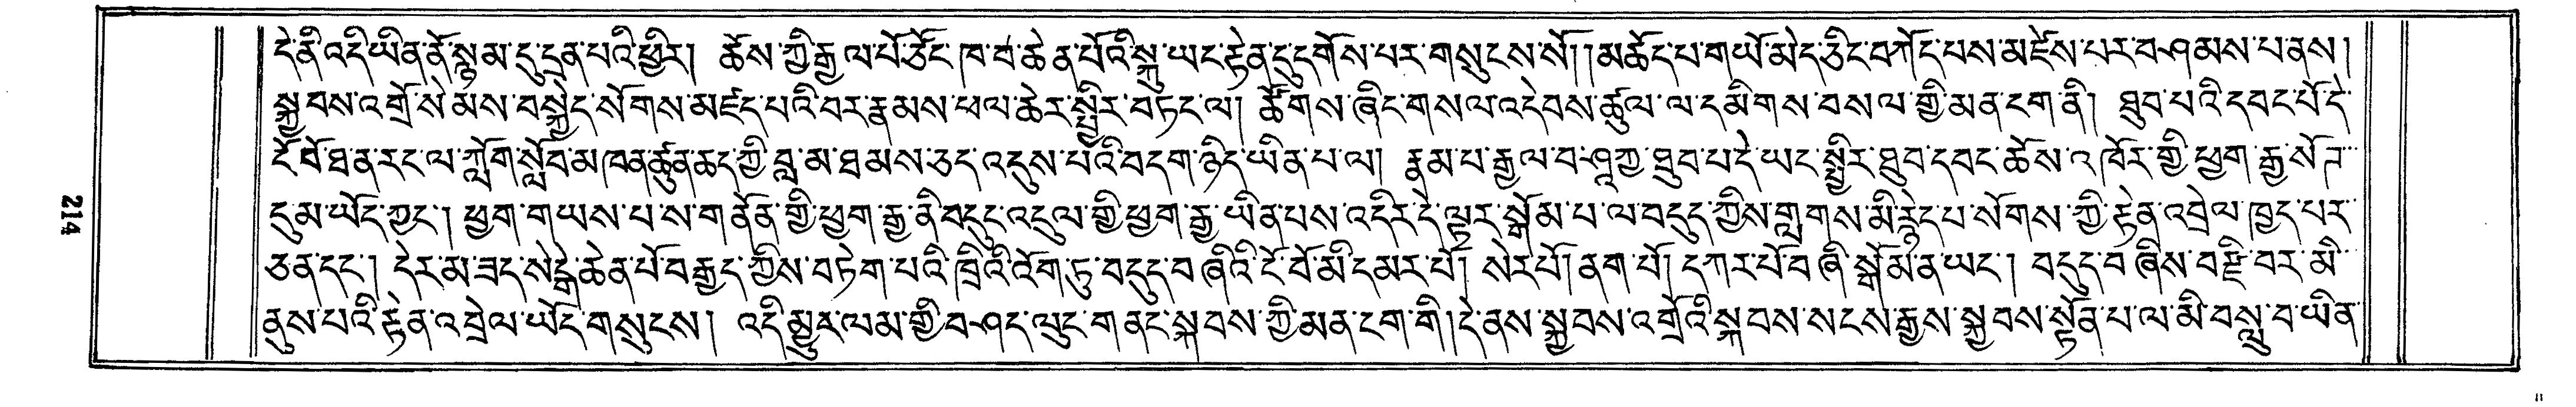དེ་ནི་འདི་ཡིན་ནོ་སྙམ་དུ་དྲན་པའི་ཕྱིར། ཆོས་ཀྱི་རྒྱལ་པོ་ཙོང་ཁ་པ་ཆེན་པོའི་སྐུ་ཡང་རྟེན་དུ་དགོས་པར་གསུངས་སོ། །མཆོད་པ་གཡོ་མེད་ཅིང་བཀོད་བས་མཛེས་པར་བཤམས་པ་ནས།
སྐྱབས་འགྲོ་སེམས་བསྐྱེད་སོགས་མཛད་པའི་བར་རྣམས་ཕལ་ཆེར་སྤྱིར་བཏང་ལ། ཚོགས་ཞིང་གསལ་འདེབས་ཚུལ་ལ་དམིགས་བསལ་གྱི་མན་ངག་ནི། ཐུབ་པའི་དབང་པོ་དེ་
ངོ་བོ་ཐ་ན་རང་ལ་ཀློག་སློབ་མཁན་ཚུན་ཆད་ཀྱི་བླ་མ་ཐམས་ཅད་འདུས་པའི་བདག་ཉིད་ཡིན་པ་ལ། རྣམ་པ་རྒྱལ་བ་ཤཱཀྱ་ཐུབ་པ་དེ་ཡང་སྤྱིར་ཐུབ་དབང་ཆོས་འཁོར་གྱི་ཕྱག་རྒྱ་སོཌ་
དུ་མ་ཡོད་ཀྱང་། ཕྱག་གཡས་པ་ས་གནོན་གྱི་ཕྱག་རྒྱ་ནི་བདུད་འདུལ་གྱི་ཕྱག་རྒྱ་ཡིན་པས་འདིར་དེ་ལྟར་སྒོམ་པ་ལ་བདུད་ཀྱིས་གླགས་མི་རྙེད་པ་སོགས་ཀྱི་རྟེན་འབྲེལ་ཁྱད་པར་
ཅན་དང་། དེར་མ་ཟད་སེངྒེ་ཆེན་པོ་བརྒྱད་ཀྱིས་བཏེག་པའི་ཁྲིའི་འོག་ཏུ་བདུད་བཞིའི་ངོ་བོ་མི་དམར་པོ། སེར་པོ། ནག་པོ། དཀར་པོ་བཞི་སྒོམ་ན་ཡང་། བདུད་བཞིས་བརྫི་བར་མི་
ནུས་པའི་རྟེན་འབྲེལ་ཡོད་གསུངས། འདི་མྱུར་ལམ་གྱི་བཤད་ལུང་གནང་སྐབས་ཀྱི་མན་ངག་གོ། དེ་ནས་སྐྱབས་འགྲོའི་སྐབས་སངས་རྒྱས་སྐྱབས་སྟོན་པ་ལ་མི་བསླུ་བ་ཡིན་